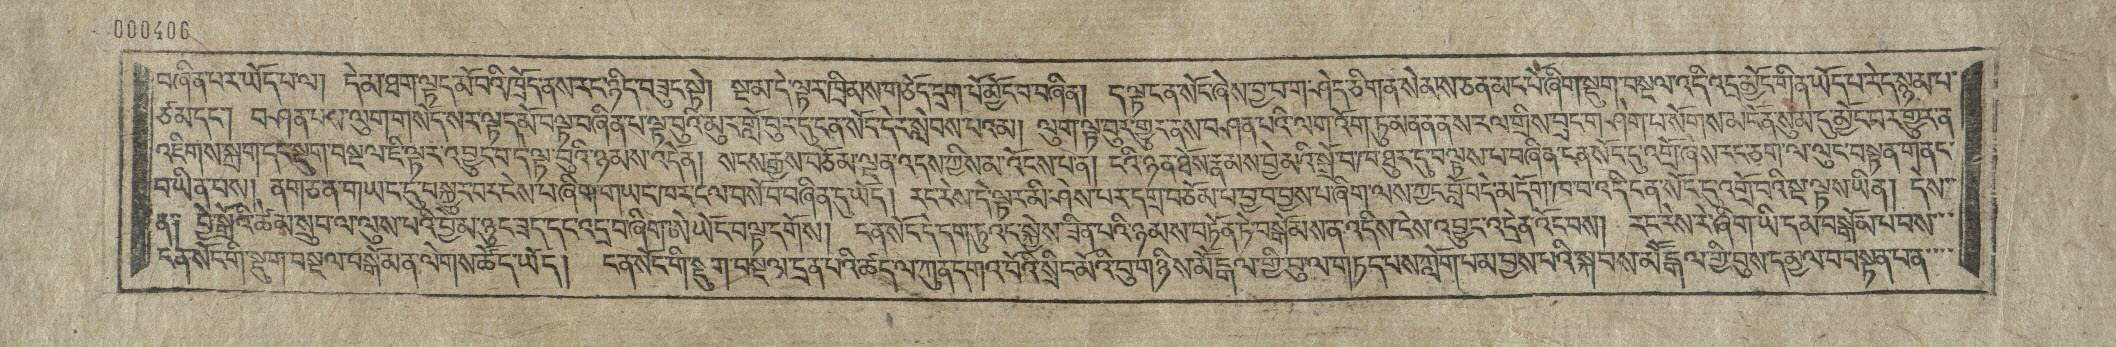བཞིན་པར་ཡོད་པ་ལ། དེ་མ་ཐག་ལྟད་མོ་བའི་ཁྲོད་ནས་རང་ཉིད་བཟུང་སྟེ། སྔ་མ་དེ་ལྟར་ཁྲིམས་གཅོད་དྲག་པོ་མྱོང་བ་བཞིན། ད་ལྟ་ངན་སོང་ཞེས་བྱ་བ་ག་ཤེད་ཅིག་ན་སེམས་ཅན་མང་པོ་ཞིག་སྡུག་བསྔལ་འདི་འདྲ་མྱོང་གིན་ཡོད་པ་རེད་སྙམ་པ་
ཙམ་དང་། བཤན་པས་ལུག་གསོད་སར་ལྟད་མོ་བལྟ་བཞིན་པ་ལྟ་བུའི་མུར་གློ་བུར་དུ་ངན་སོང་དེར་སླེབས་པའམ། ལུག་ལྟ་བུར་གྱུར་ནས་བཤན་པའི་ལག་འོག་ཏུ་མནན་ནས་རལ་གྲིས་བྲང་གཤེག་པ་སོགས་མངོན་སུམ་དུ་མྱོང་བར་གྱུར་ན་
འཇིགས་སྐྲག་དང་སྡུག་བསྔལ་ཇི་ལྟར་འབྱུང་བ་དེ་ལྟ་བུའི་ཉམས་འདོན། སངས་རྒྱས་བཅོམ་ལྡན་འདས་ཀྱིས་མ་འོངས་པ་ན། ངའི་ཉན་ཐོས་རྣམས་བྱེ་མའི་སྒྲོ་བ་ཁ་ཐུར་དུ་བལྟས་པ་བཞིན་ངན་སོང་དུ་འགྲོ་ཞེས་རང་ཅག་ལ་ལུང་བསྟན་གནང་
བ་ཡིན་པས། ནག་ཅན་གཡང་དུ་བསྐྱུར་བར་ངེས་པ་ཞིག་གཡང་ཁར་ངལ་བསོ་བ་བཞིན་དུ་ཡོད། རང་རེས་དེ་ལྟར་མི་ཤེས་པར་དགྲ་བཅོམ་པ་བྱ་བ་བྱས་པ་ཞིག་ལས་ཀྱང་བློ་བདེ་མདོག་ཁ་བ་འདི་ངན་སོང་དུ་འགྲོ་བའི་སྔ་ལྟས་ཡིན། དེས་
ན༑ བྱེ་སྒྲོའི་ཚེམ་སྲུབ་ལ་ལུས་པའི་བྱེ་མ་ཉུང་ཟད་དང་འདྲ་བ་ཞིག་ཨེ་ཡོང་བལྟ་དགོས། ངན་སོང་དེ་དག་ཏུ་འང་སྐྱེས་ཟིན་པའི་ཉམས་བཏོན་ཏེ་བསྒོམས་ན་འདིས་ངེས་འབྱུང་འདྲེན་འོང་བས། རང་རེས་རེ་ཞིག་ཡི་དམ་བསྒོམ་པ་བས་
ངན་སོང་གི་སྡུག་བསྔལ་བསྒོམ་ན་ལེགས་ཚོད་ཡོད། ངན་སོང་གི་སྡུག་བསྔལ་དྲན་པའི་ཚད་ལ་ཀུན་དགའ་བོའི་སྲིང་མོའི་བུ་གཉིས་མཽངྒལ་གྱི་བུ་ལ་གཏད་པས་ཀློག་པ་མ་བྱས་པའི་སྐབས་མཽངྒལ་གྱི་བུས་དམྱལ་བ་བསྟན་པ་ན་